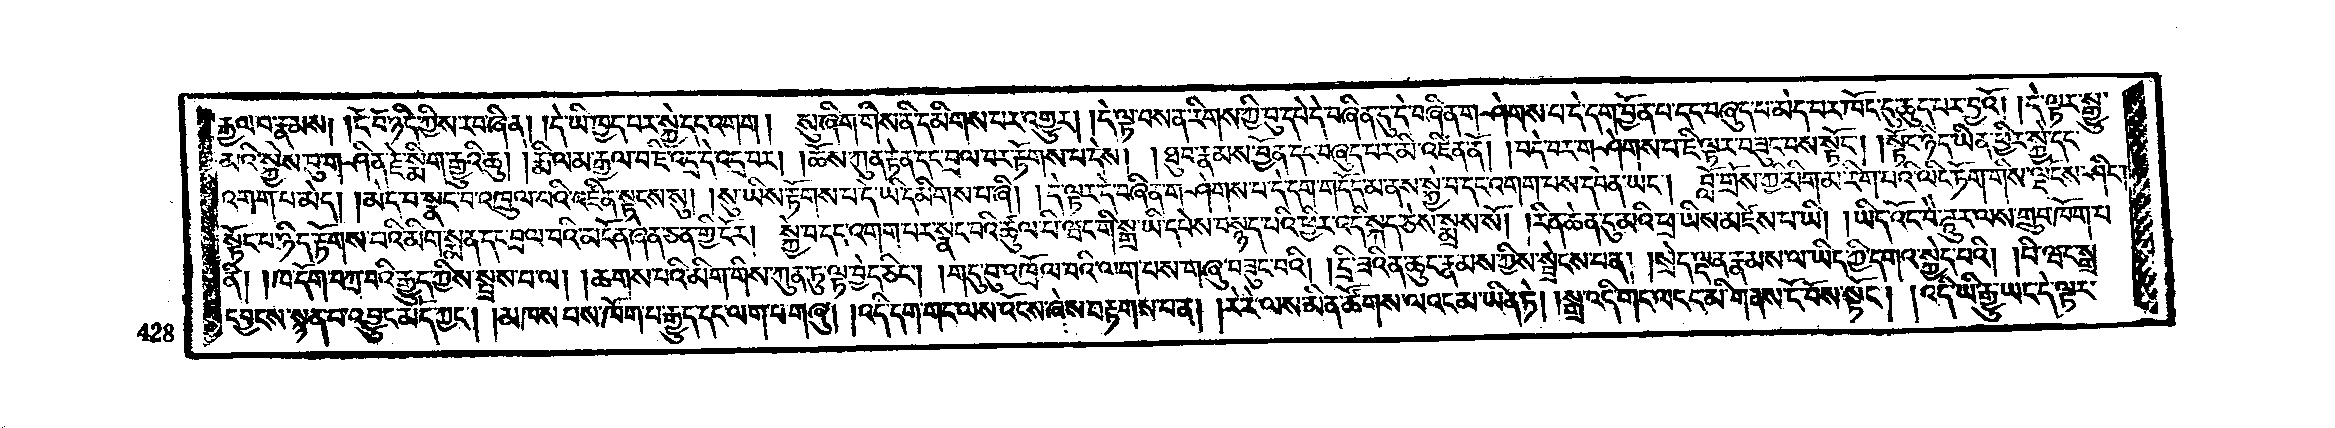རྒྱལ་པོ་རྣམས། །ངོ་བོ་ཉིད་ཀྱིས་རབ་ཞི་ན། །དེ་ཡི་ཁྱད་པར་སྐྱེ་དང་འགག། སུ་ཞིག་གིས་ནི་དམིགས་པར་འགྱུར། །དེ་ལྟ་བས་ན་རིགས་ཀྱི་བུ་དཔེ་དེ་བཞིན་དུ་དེ་བཞིན་གཤེགས་པ་དེ་དག་བྱོན་པ་དང་བཞུད་པ་མེད་པར་ཁོང་དུ་ཆུད་པར་བྱའོ། །དེ་ལྟར་སྒྱུ་
མའི་སྐྱེས་བུ་གཤིན་རྗེ་སྨིག་རྒྱུའི་ཆུ། །རྨི་ལམ་རྒྱལ་བ་ཇི་འདྲ་དེ་འདྲ་བར། །ཆོས་ཀུན་རྟེན་དང་བྲལ་བར་རྟོགས་པ་དེས། །ཐུབ་རྣམས་བྱོན་དང་བཞུད་པར་མི་འཛིན་ནོ། །བདེ་བར་གཤེགས་པ་ཇི་ལྟར་བཟུང་བས་སྟོང་། །སྟོང་ཉིད་ཡིན་ཕྱིར་སྐྱེ་དང་
འགག་པ་མེད། །མེད་པ་སྣང་བ་འཁྲུལ་པའི་འཛིན་སྟངས་སུ། །སུ་ཡིས་རྟོགས་པ་དེ་ཡི་དམིགས་པ་ཞི། །དེ་ལྟར་དེ་བཞིན་གཤེགས་པ་དེ་དག་གདོད་མ་ནས་སྐྱེ་བ་དང་འགག་པས་དབེན་ཡང་། བློ་གྲོས་ཀྱི་མིག་མ་རིག་པའི་ལིང་ཏོག་གིས་ལྡོངས་ཤིང་།
སྟོང་པ་ཉིད་རྟོགས་པའི་མིག་སྨན་དང་བྲལ་བའི་མངོན་ཞེན་ཅན་གྱི་ངོར། སྐྱེ་བ་དང་འགག་པར་སྣང་བའི་ཚུལ་པི་ཝང་གི་སྒྲ་ཡི་དཔེས་བསྙད་པའི་ཕྱིར་འདི་སྐད་ཅེས་སྨྲས་སོ། །རིན་ཆེན་དུ་མའི་ཕྲ་ཡིས་མཛེས་པ་ཡི། །ཡིད་འོང་བཻ་ཌཱུར་ལས་གྲུབ་ཁོག་པ་
ནི། །ཁ་དོག་བཀྲ་བའི་རྒྱུད་ཀྱིས་སྤྲས་པ་ལ། །ཆགས་པའི་མིག་གིས་ཀུན་ཏུ་ལྟ་བྱེད་ཅིང་། །གདུ་བུ་འཁྲོལ་བའི་ལག་པས་གཞུ་བཟུང་བའི། །དྲི་ཟའི་ན་ཆུང་རྣམས་ཀྱིས་སྦྲེངས་པ་ན། །སྲེད་ལྡན་རྣམས་ལ་ཡིད་ཀྱི་དགའ་སྐྱེད་པའི། །པི་ཝང་སྒྲ་
དབྱངས་སྙན་པ་འབྱུང་མོད་ཀྱང་། །མཁས་པས་ཁོག་པ་རྒྱུད་དང་ལག་པ་གཞུ། །འདི་དག་གང་ལས་འོངས་ཞེས་བརྟགས་པ་ན། །རེ་རེ་ལས་མིན་ཚོགས་ལའང་མ་ཡིན་ཏེ། །སྒྲ་འདི་གང་ལའང་མི་གནས་ངོ་བོས་སྟོང་། །འདི་ཡི་རྒྱུ་ཡང་དེ་ལྟར་